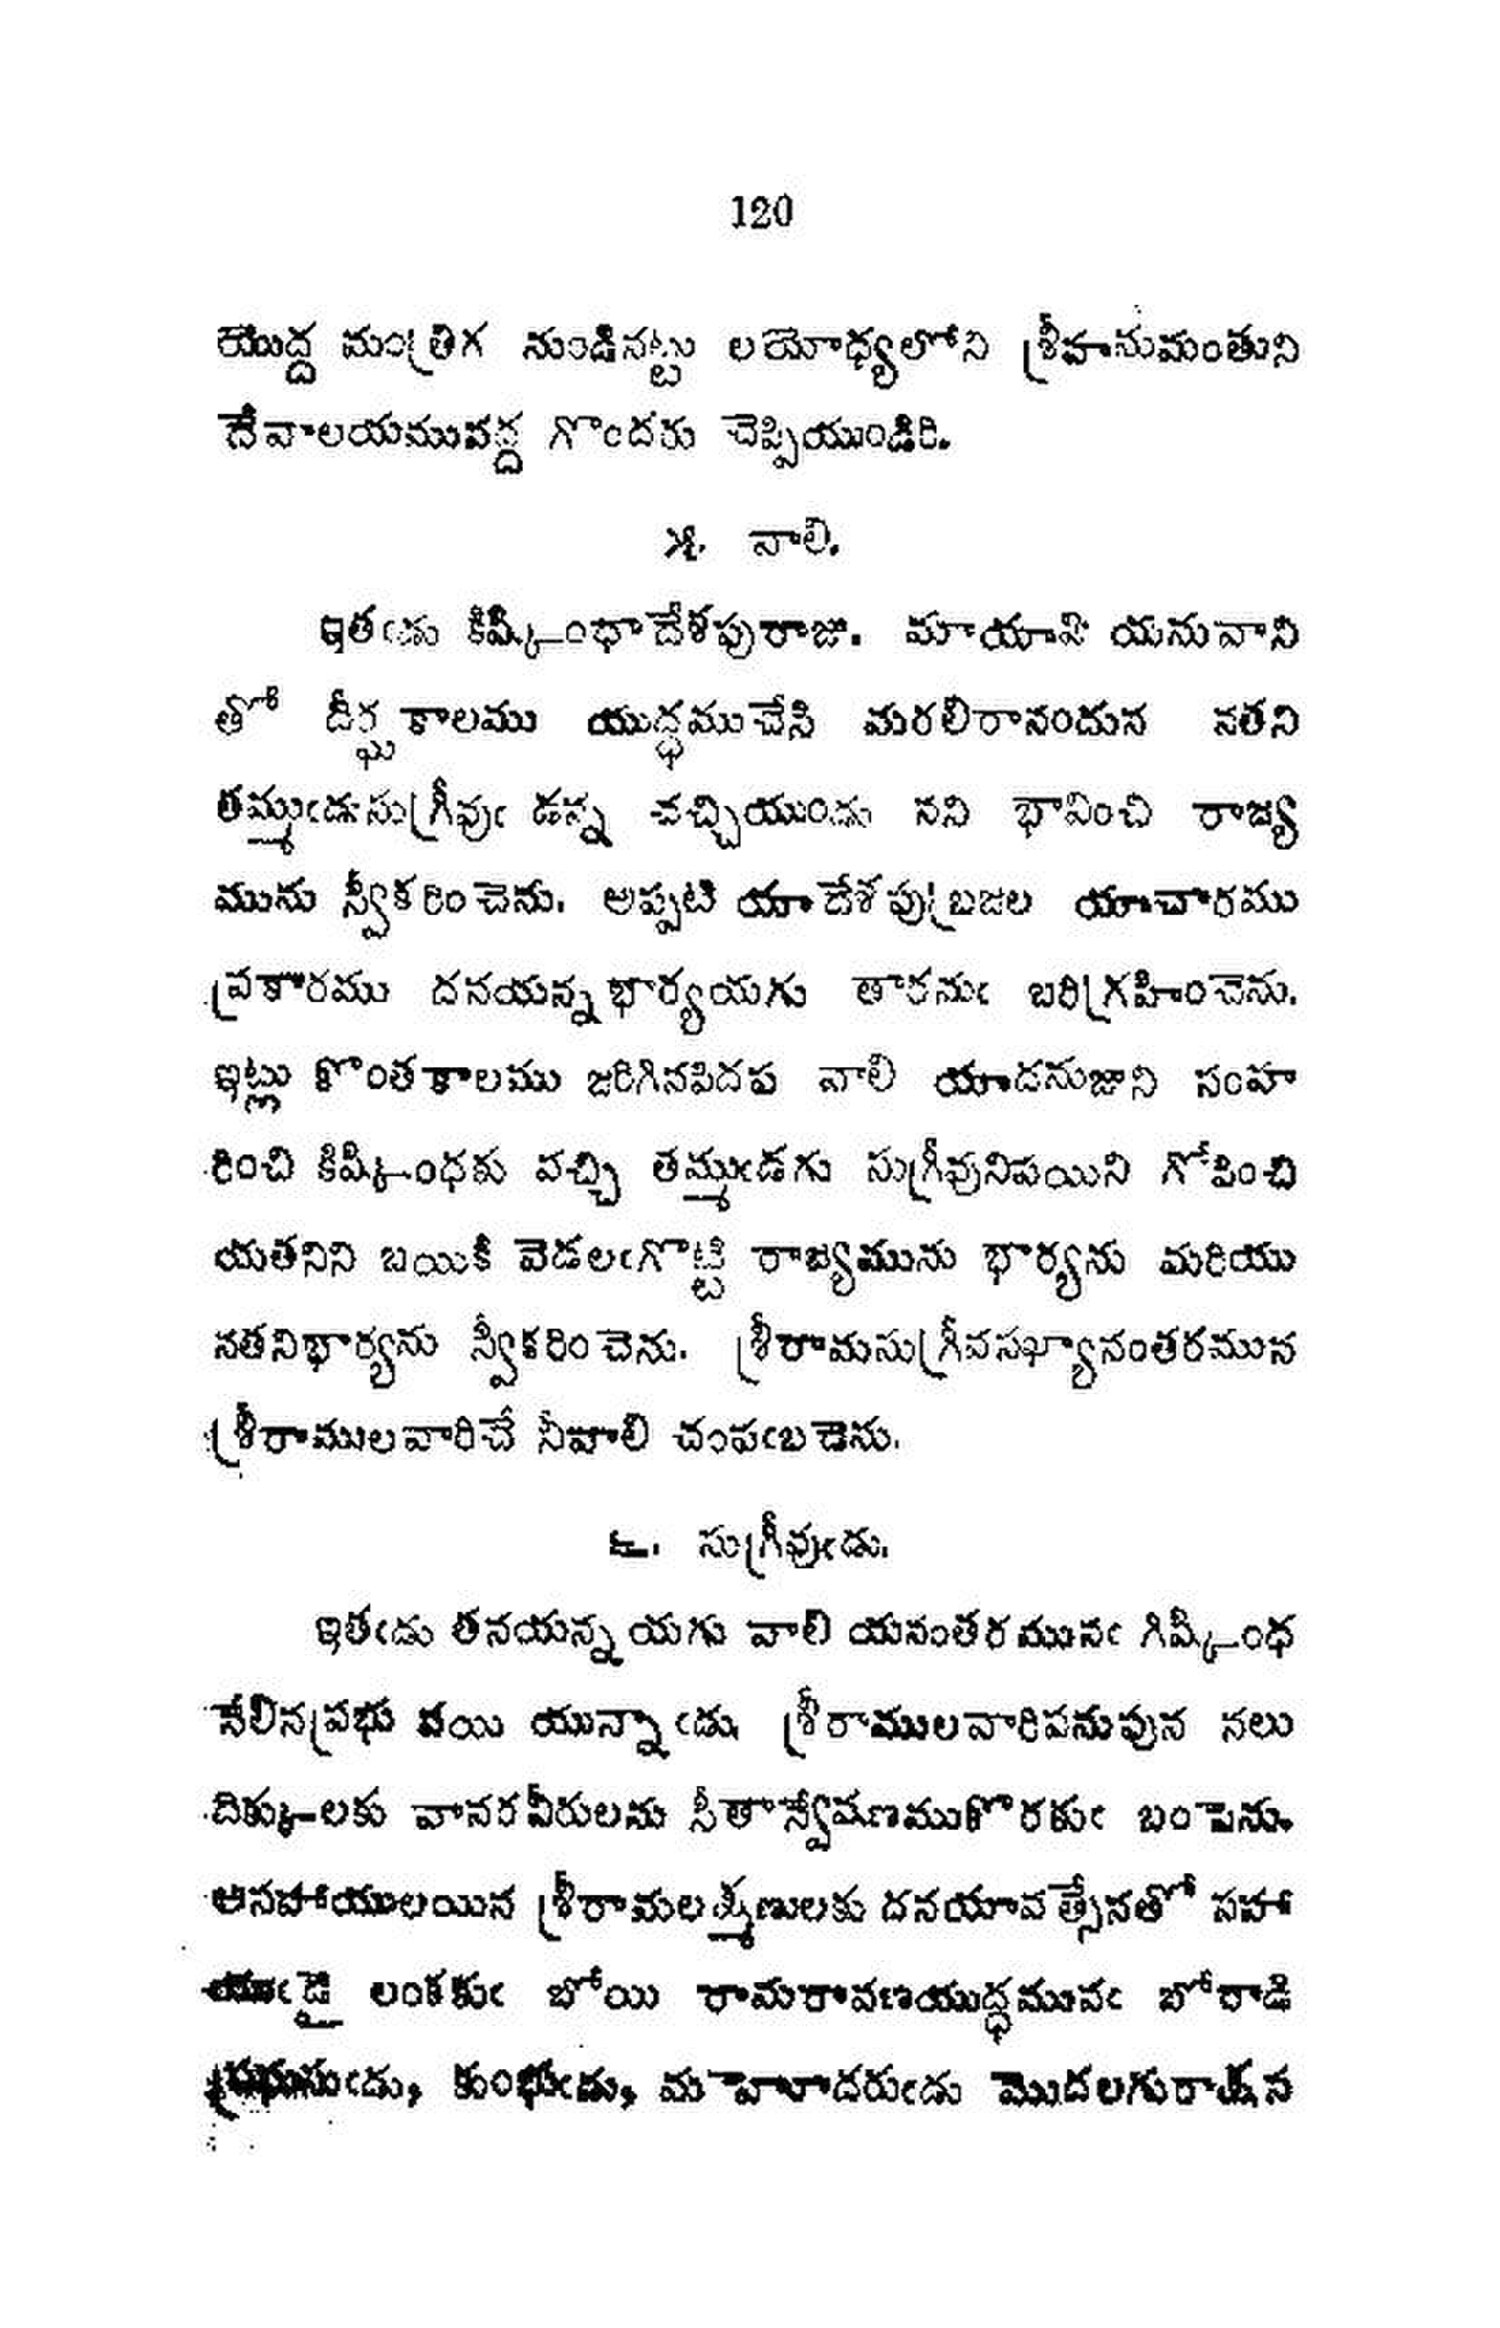యొద్ద మంత్రిగ నుండినట్టు లయోధ్యలోని శ్రీహనుమంతుని దేవాలయమువద్ద గొందరు చెప్పియుండిరి.

ఇతఁడు కిష్కింధాదేశపురాజు. మాయావి యనువానితో దీర్ఘకాలము యుద్ధముచేసి మరలిరానందున నతని తమ్ముఁడుసుగ్రీవుఁ డన్న చచ్చియుండు నని భావించి రాజ్యమును స్వీకరించెను. అప్పటి యాదేశపుబ్రజల యాచారము ప్రకారము దనయన్న భార్యయగు తారనుఁ బరిగ్రహించెను. ఇట్లు కొంతకాలము జరిగినపిదప వాలి యాదనుజుని సంహరించి కిష్కింధకు వచ్చి తమ్ముడగు సుగ్రీవునిపయిని గోపించి యతనిని బయికి వెడలఁగొట్టి రాజ్యమును భార్యను మరియు నతనిభార్యను స్వీకరించెను. శ్రీరామసుగ్రీవసఖ్యానంతరమున శ్రీరాములవారిచే నీవాలి చంపఁబడెను,

ఇతఁడు తనయన్నయగు వాలి యనంతరమునఁ గిష్కింధ నేలినప్రభు వయి యున్నాఁడు శ్రీరాములవారిపనువున నలుదిక్కులకు వానరవీరులను సీతాన్వేషణముకొరకుఁ బంపెను
అసహాయులయిన శ్రీరామలక్ష్మణులకు దనయావత్సేనతో సహాయుఁడై లంకకుఁ బోయి రామరావణ యుద్ధమునఁ బోరాడి ప్రభుసుఁడు, కుంభుఁడు, మహోదరుఁడు మొదలగురాక్షస